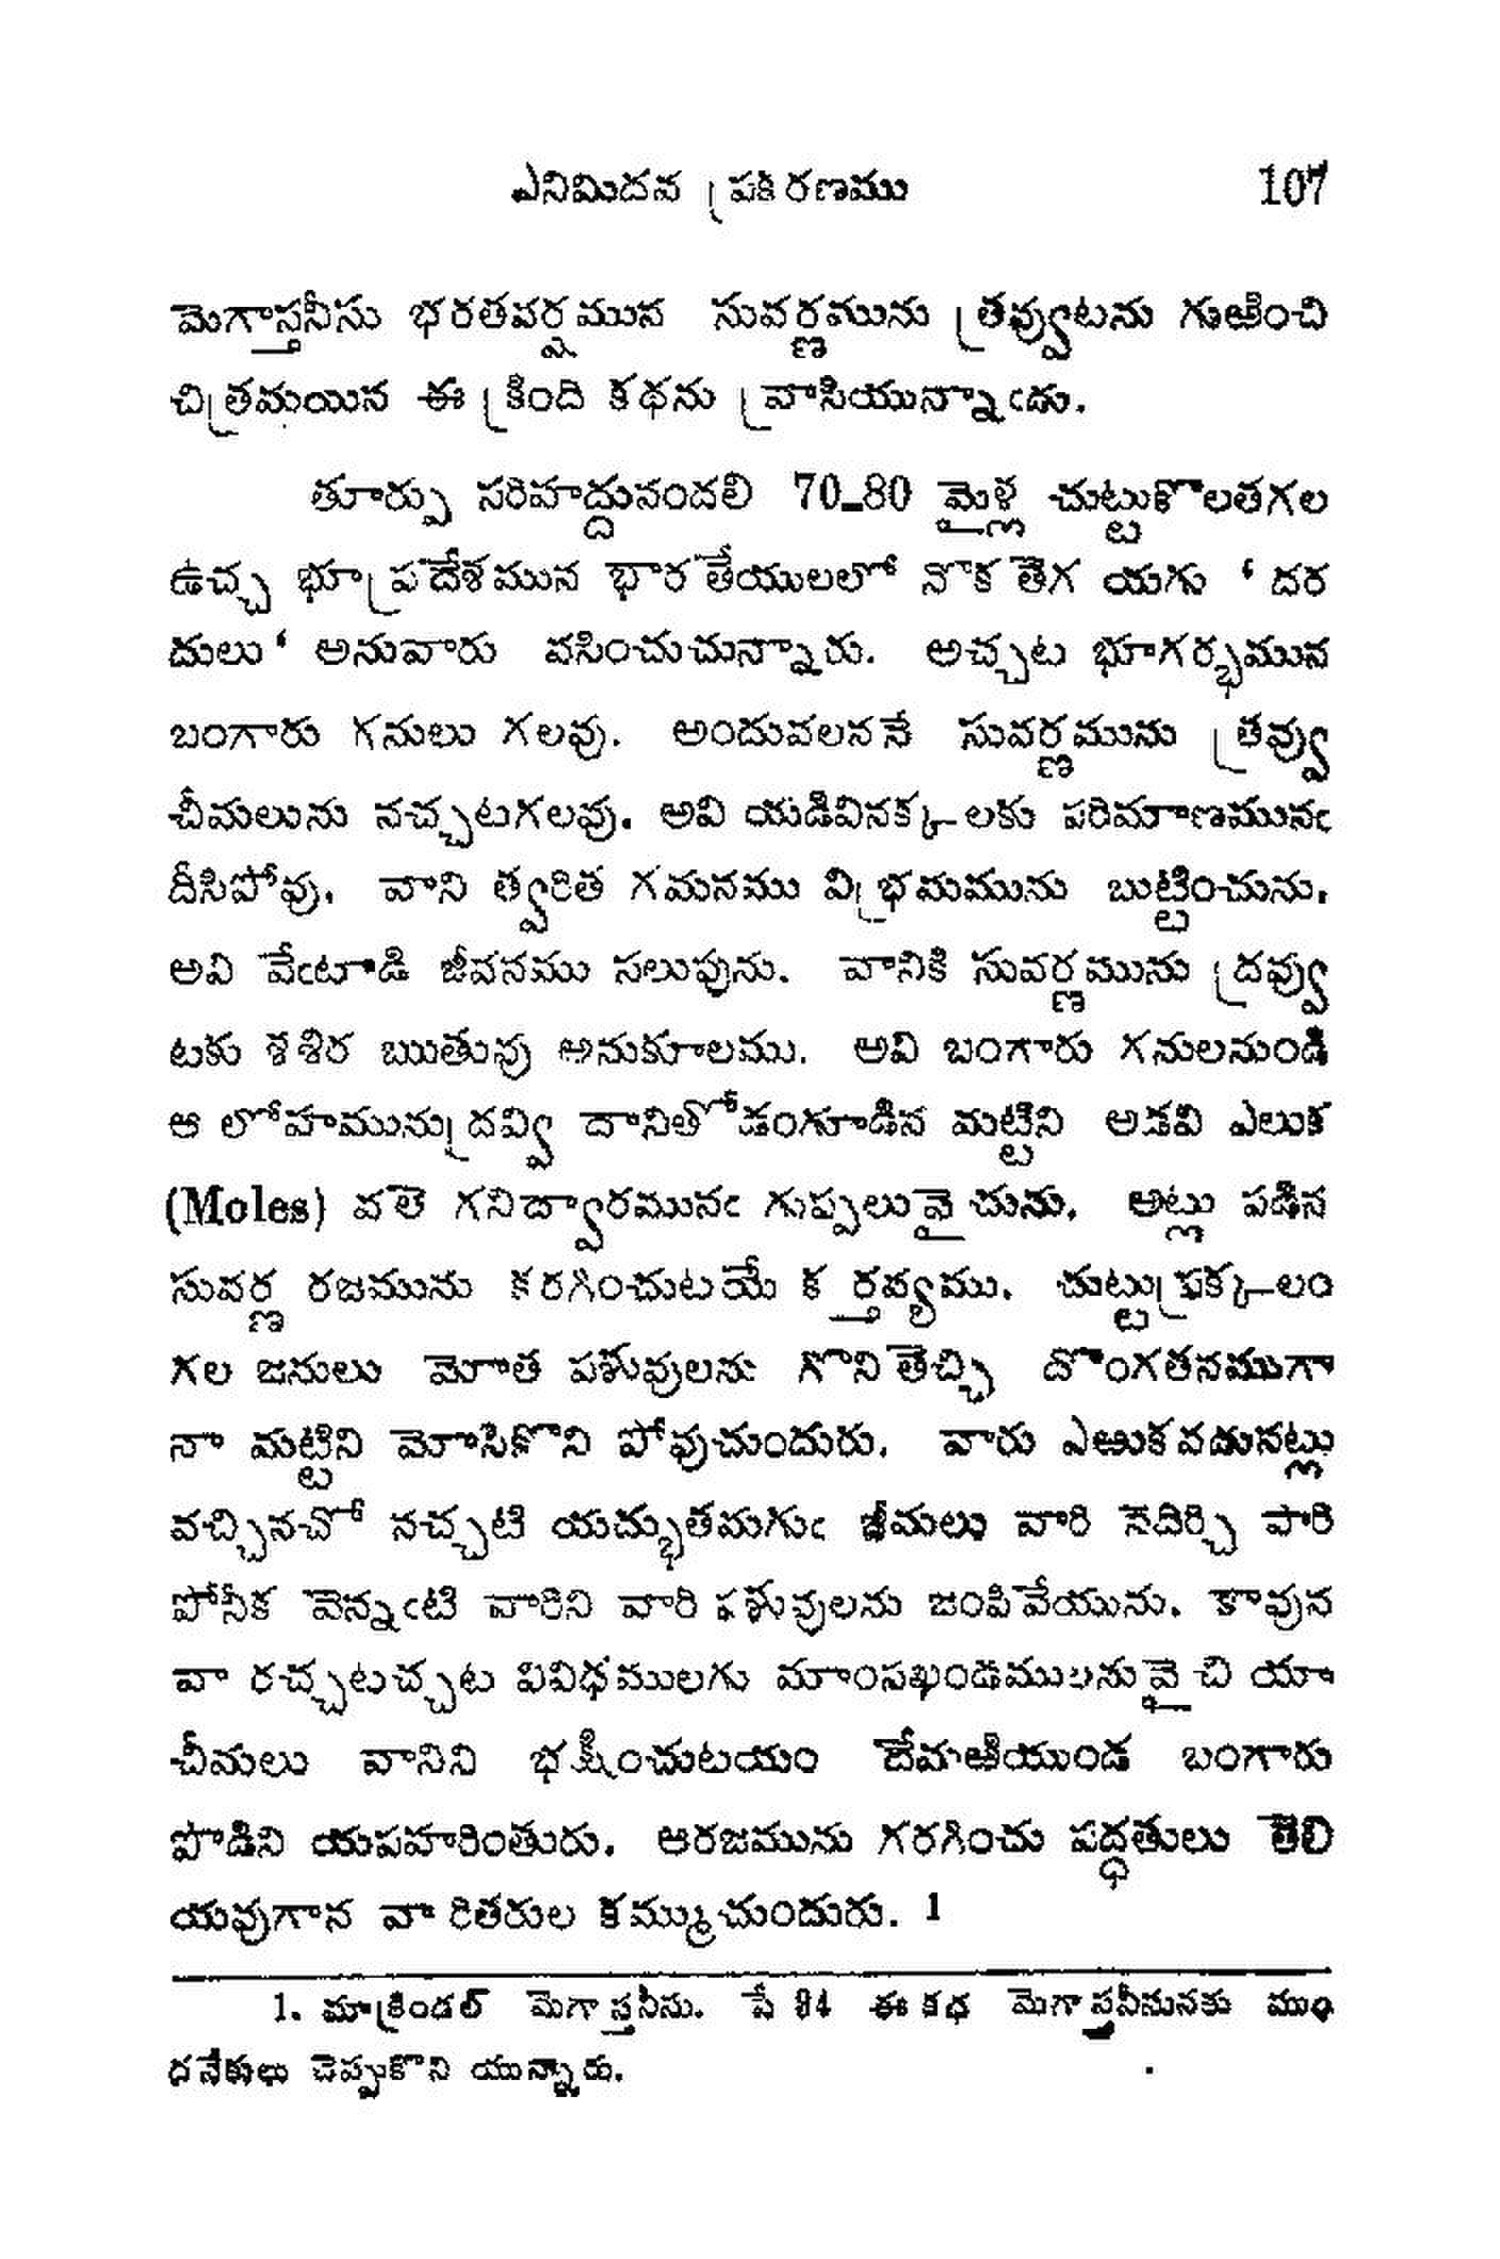మెగాస్తనీసు భరతవర్షమున సువర్ణమును త్రవ్వుటను గుఱించి చిత్రమయిన ఈ క్రింది కథను వ్రాసియున్నాఁడు.

తూర్పు సరిహద్దునందలి 70-80 మైళ్ల చుట్టుకొలతగల ఉచ్చ భూప్రదేశమున భారతేయులలో నొక తెగ యగు 'దరదులు' అనువారు వసించుచున్నారు. అచ్చట భూగర్భమున బంగారు గనులు గలవు. అందువలననే సువర్ణమును త్రవ్వు చీమలును నచ్చటగలవు. అవి యడివినక్కలకు పరిమాణమునఁ దీసిపోవు. వాని త్వరిత గమనము విభ్రమమును బుట్టించును. అవి వేఁటాడి జీవనము సలుపును. వానికి సువర్ణమును ద్రవ్వుటకు శశిర ఋతువు అనుకూలము. అవి బంగారు గనులనుండి ఆ లోహమునుద్రవ్వి దానితోడంగూడిన మట్టిని అడవి ఎలుక (Moles) వలె గనిద్వారమునఁ గుప్పలువైచును. అట్లు పడిన సువర్ణ రజమును కరగించుటయే కర్తవ్యము. చుట్టుప్రక్కలం గల జనులు మోత పశువులను గొనితెచ్చి దొంగతనముగా నా మట్టిని మోసికొని పోవుచుందురు. వారు ఎఱుకవడునట్లు వచ్చినచో నచ్చటి యచ్భుతమగుఁ జీమలు వారి నెదిర్చి పారిపోనీక వెన్నఁటి వారిని వారి పశువులను జంపివేయును. కావున వా రచ్చటచ్చట వివిధములగు మాంసఖండములనువైచి యా చీమలు వానిని భక్షించుటయం దేమఱియుండ బంగారు పొడిని యపహరింతురు. ఆరజమును గరగించు పద్ధతులు తెలియవుగాన వా రితరుల కమ్ముచుందురు. 1